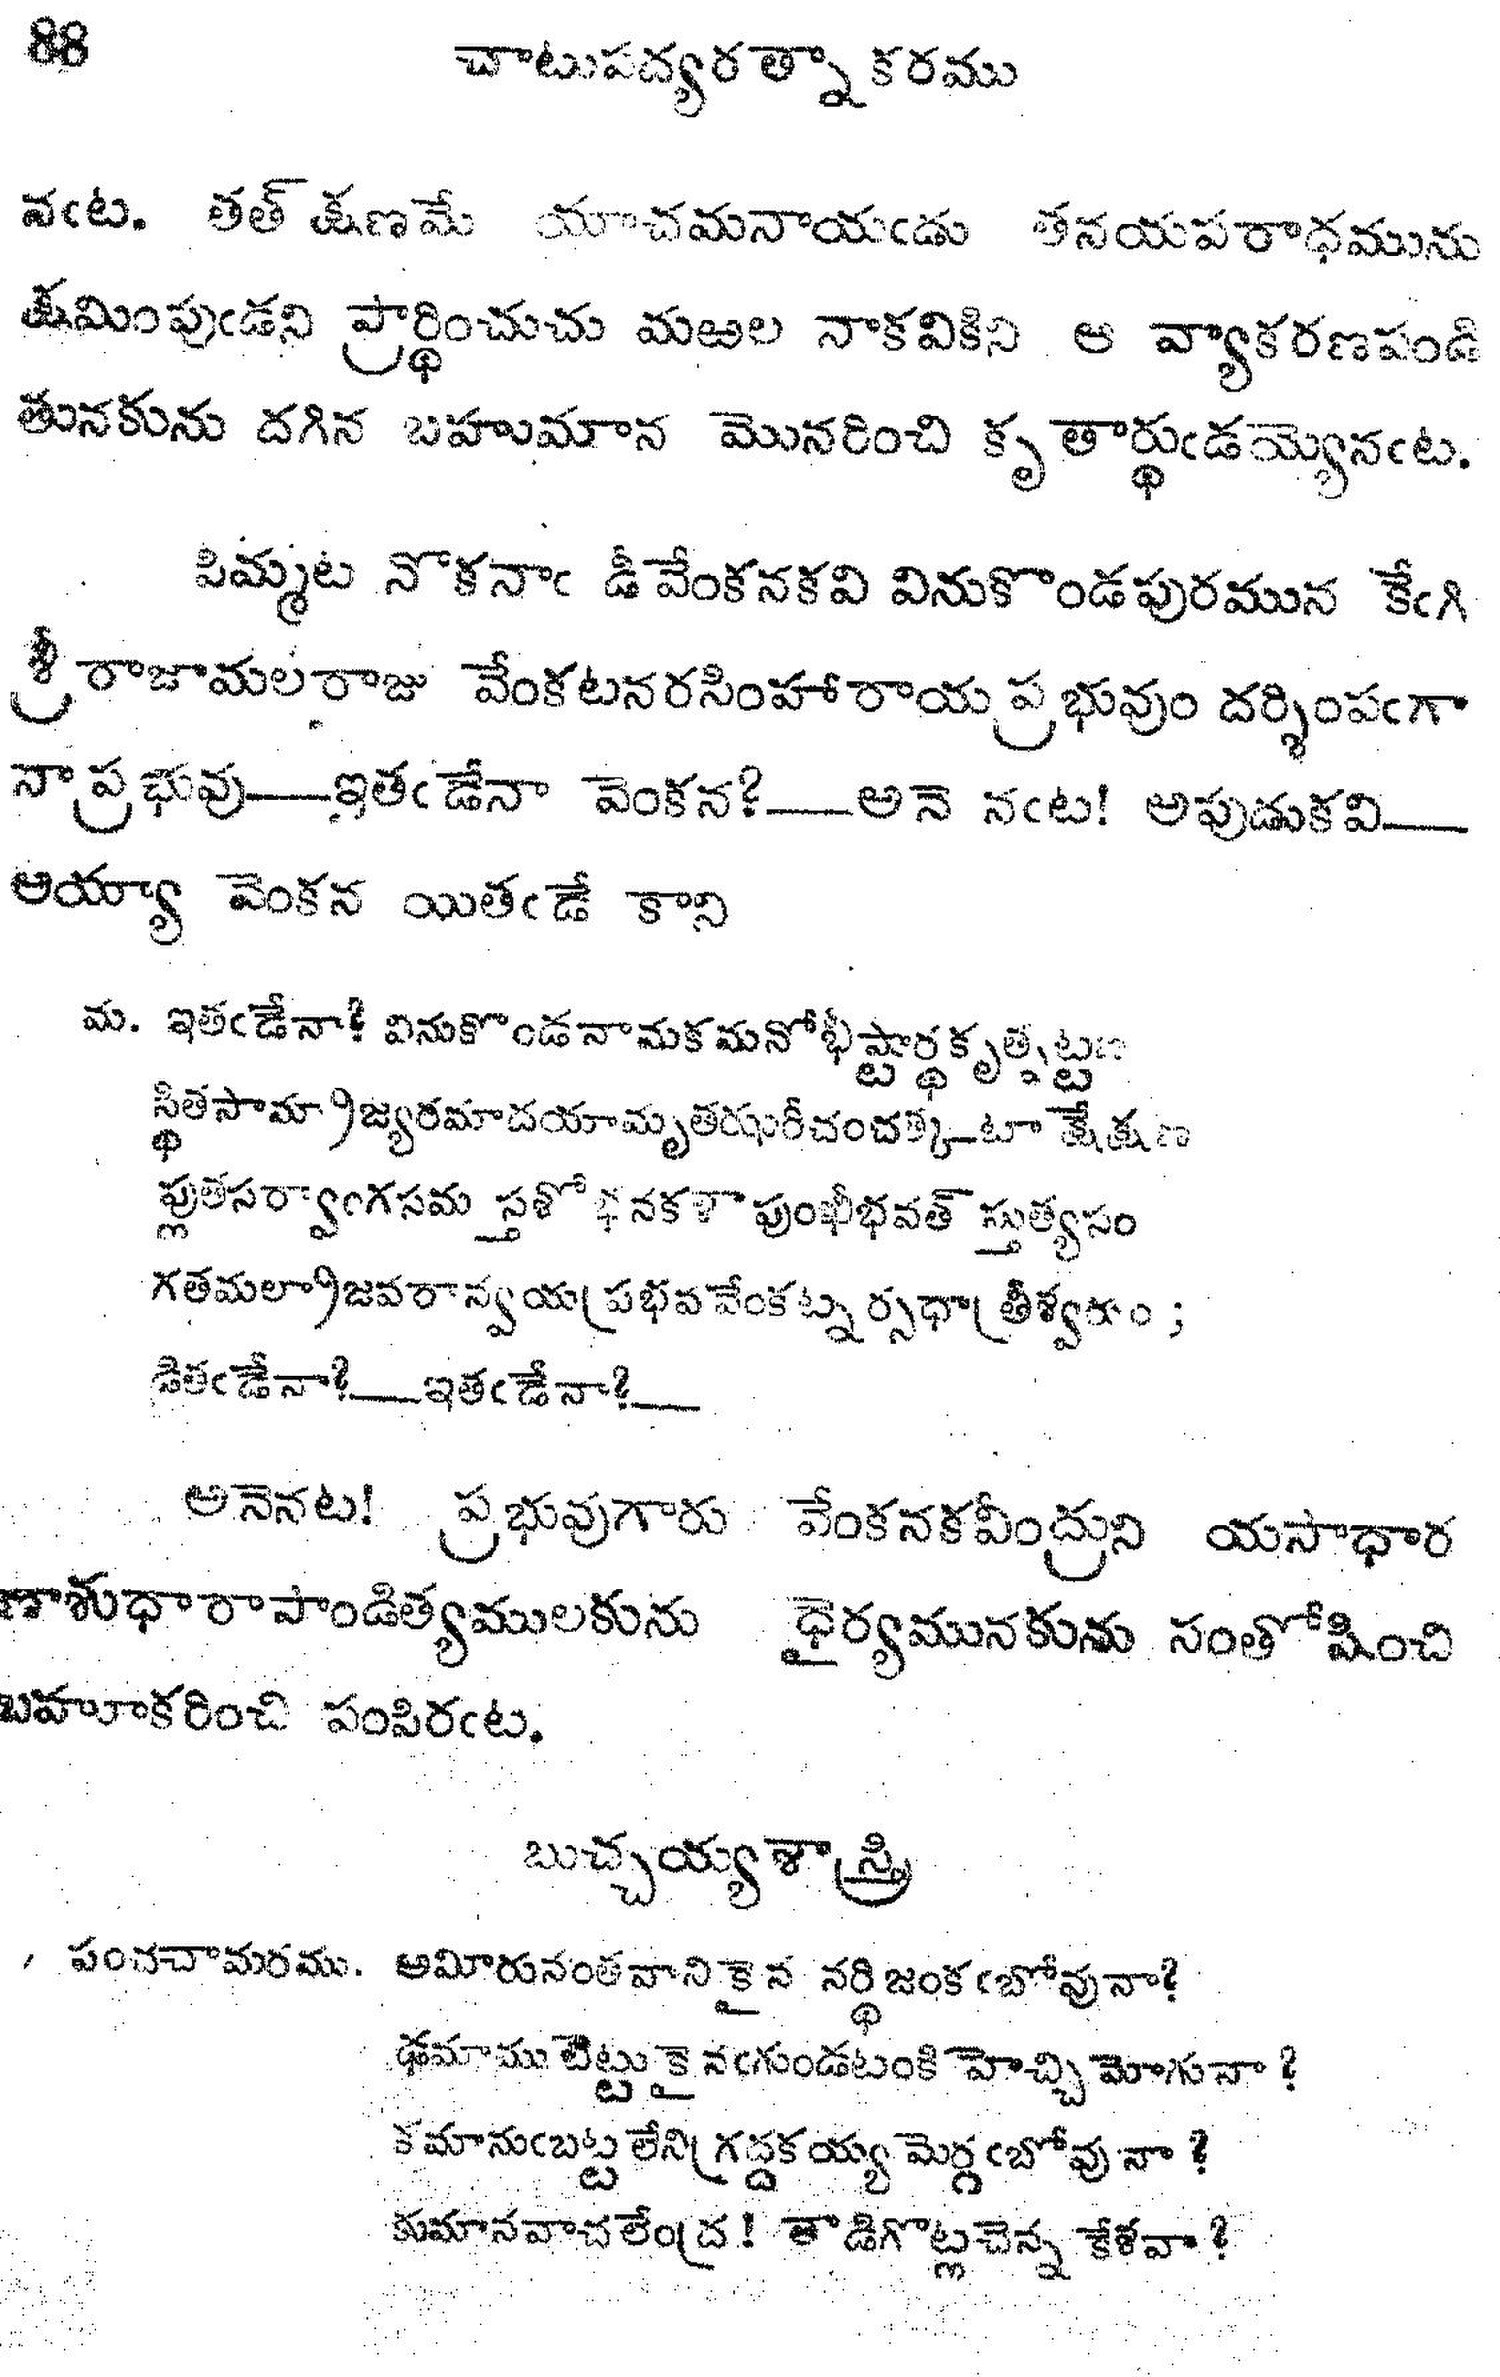నఁట. తత్క్షణమే యాచమనాయఁడు తనయపరాధమును క్షమింపుఁడని ప్రార్థించుచు మఱల నాకవికిని ఆవ్యాకరణపండితునకును దగిన బహుమాన మొనరించి కృతార్థుఁ డయ్యెనఁట.

పిమ్మట నొకనాఁ డీవేంకనకవి వినుకొండపురమున కేఁగి శ్రీరాజామలరాజు వేంకటనరసింహారాయప్రభువుం దర్శింపఁగా నాప్రభువు—ఇతఁడేనా వెంకన? అనెనఁట! అపుడు కవి—అయ్యా వెంకన యితఁడే కాని

మ. ఇతఁడేనా? వినుకొండనామకమనోభీష్టార్థకృత్పట్టణ
 స్థితసామ్రాజ్యరమాదయామృతఝరీచంచత్కటాక్షేక్షణ
 ప్లుతసర్వాంగసమస్తశోభనకళాపుంఖీభవత్స్తుత్యసం
 గతమల్రాజవరాన్వయప్రభవవేంకట్నర్సధాత్రీశ్వరుం;
 డితఁడేనా?—ఇతఁడేనా?—

అనెనట! ప్రభువుగారు వేంకనకవీంద్రుని యసాధారణాశుధారాపాండిత్యములకును ధైర్యమునకును సంతోషించి బహూకరించి పంపిరఁట.

పంచచామరము. అమీరునంతవానికైన నర్థి జంకఁబోవునా?
 ఢమాముబెట్టుకైనఁ గుండటంకి హెచ్చి మోగునా?
 కమానుఁబట్టలేనిగ్రద్దకయ్య మెర్గఁబోవునా?
 కుమానవాచలేంద్ర! తాడిగొట్లచెన్నకేశవా?